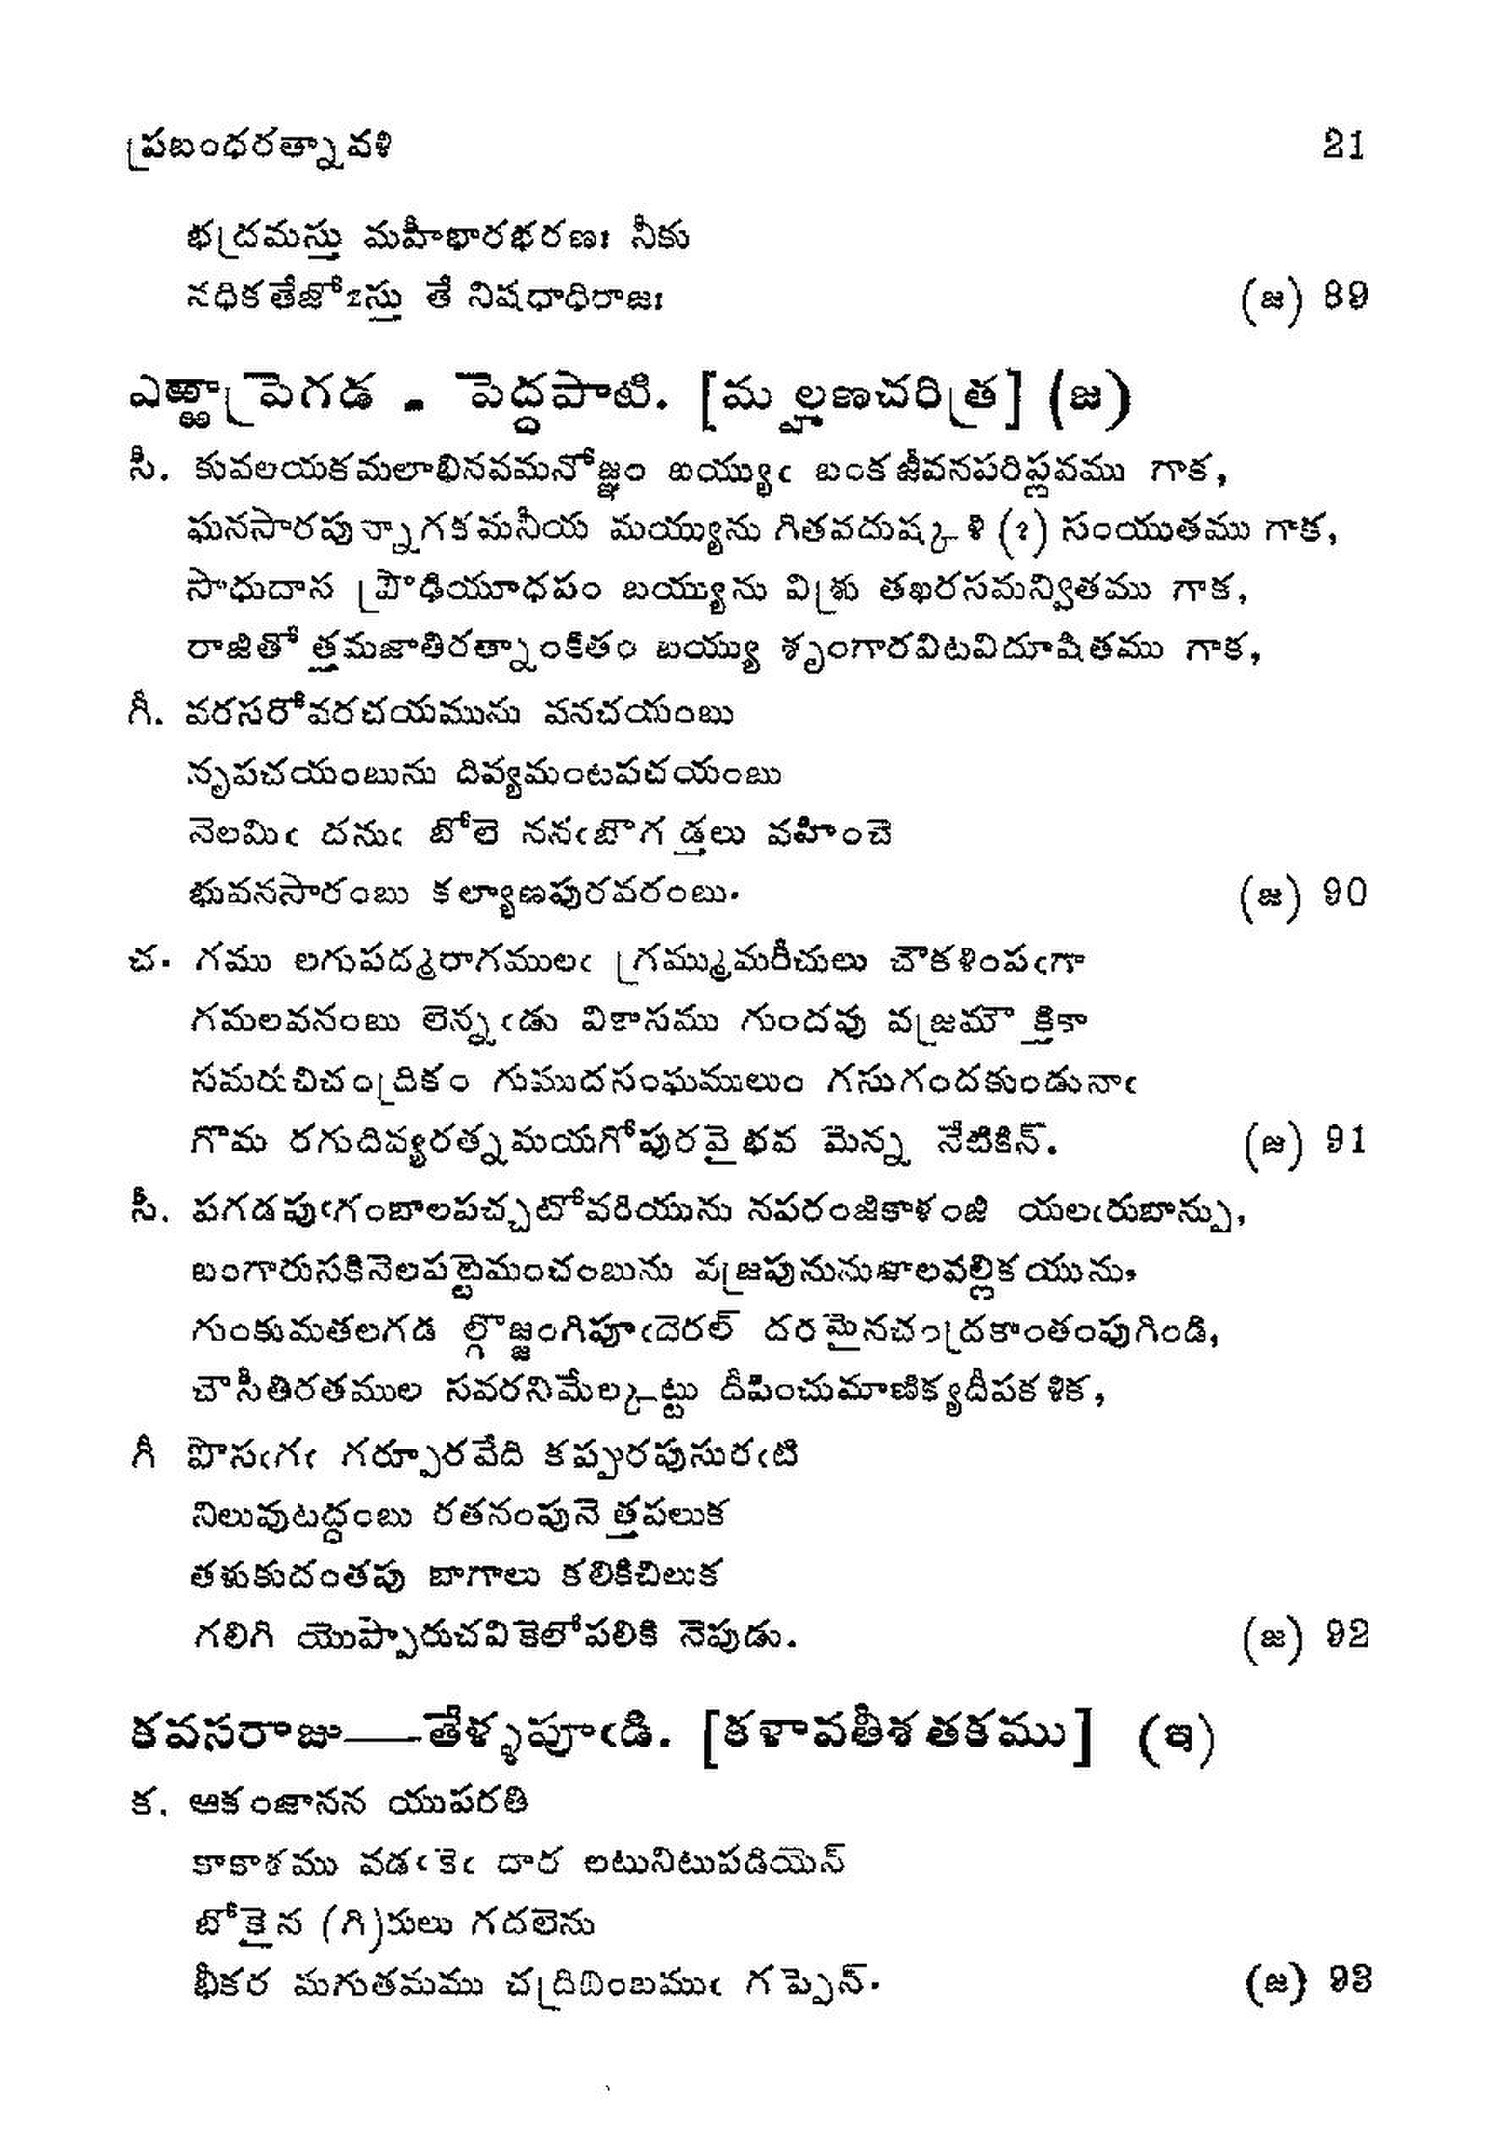భద్రమస్తు మహీభారభరణ! నీకు
నధికతేజో౽స్తు తే నిషధాధిరాజ! (జ) 89

సీ. కువలయకమలాభినవమనోజ్ఞం బయ్యుఁ బంకజీవనపరిప్లవము గాక,
ఘనసారపున్నాగ కమనీయ మయ్యును గితవదుష్కళి[?]సంయుతము గాక,
సాధుదానప్రౌఢి యూధపం బయ్యును విశ్రుతఖరసమన్వితము గాక,
రాజితోత్తమ జాతిరత్నాంకితం బయ్యు శృంగారవిటవిదూషితము గాక,
గీ. వరసరోవరచయమును వనచయంబు
నృపచయంబును దివ్యమంటపచయంబు
నెలమిఁ దనుఁ బోలె ననఁబొగడ్తలు వహించె
భువనసారంబు కల్యాణపురవరంబు. (జ) 90

చ. గములగు పద్మరాగములఁ గ్రమ్ముమరీచులు చౌకళింపఁగా
గమలవనంబు లెన్నడుఁ వికాసము గుందవు వజ్రమౌక్తికా
సమరుచి చంద్రికం గుముదసంఘములుం గసుగందకుండునాఁ
గొమ రగుదివ్యరత్నమయగోపురవైభవ మెన్న నేటికిన్. (జ) 91

సీ. పగడపుఁగంబాల పచ్చటోవరియును నపరంజికాళంజి యలరుఁబాన్పు,
బంగారుసకినెల పట్టెమంచంబును వజ్రపునునుజాలవల్లికయును,
గుంకుమతలగడ ల్గొజ్జంగిపూఁదెరల్ దరమైనచంద్రకాంతంపుగిండి,
చౌసీతిరతముల సవరనిమేల్కట్టు దీపించుమాణిక్యదీపకళిక,
గీ. పొసఁగఁ గర్పూపవేది కప్పురపుసురఁటి
నిలువుటద్దంబు రతనంపునెత్తపలుక
తళుకుదంతపు బాగాలు కలికిచిలుక
గలిగి యొప్పారు చవికెలోపలికి నెపుడు. (జ) 92

క. ఆ కంజానన యుపరతి
కాకాశము వడఁకెఁ దార లటునిటు పడియెన్
బోకైన [గి]రులు గదలెను
భీకరమగు తమము చంద్రబింబముఁ గప్పెన్. (జ) 93